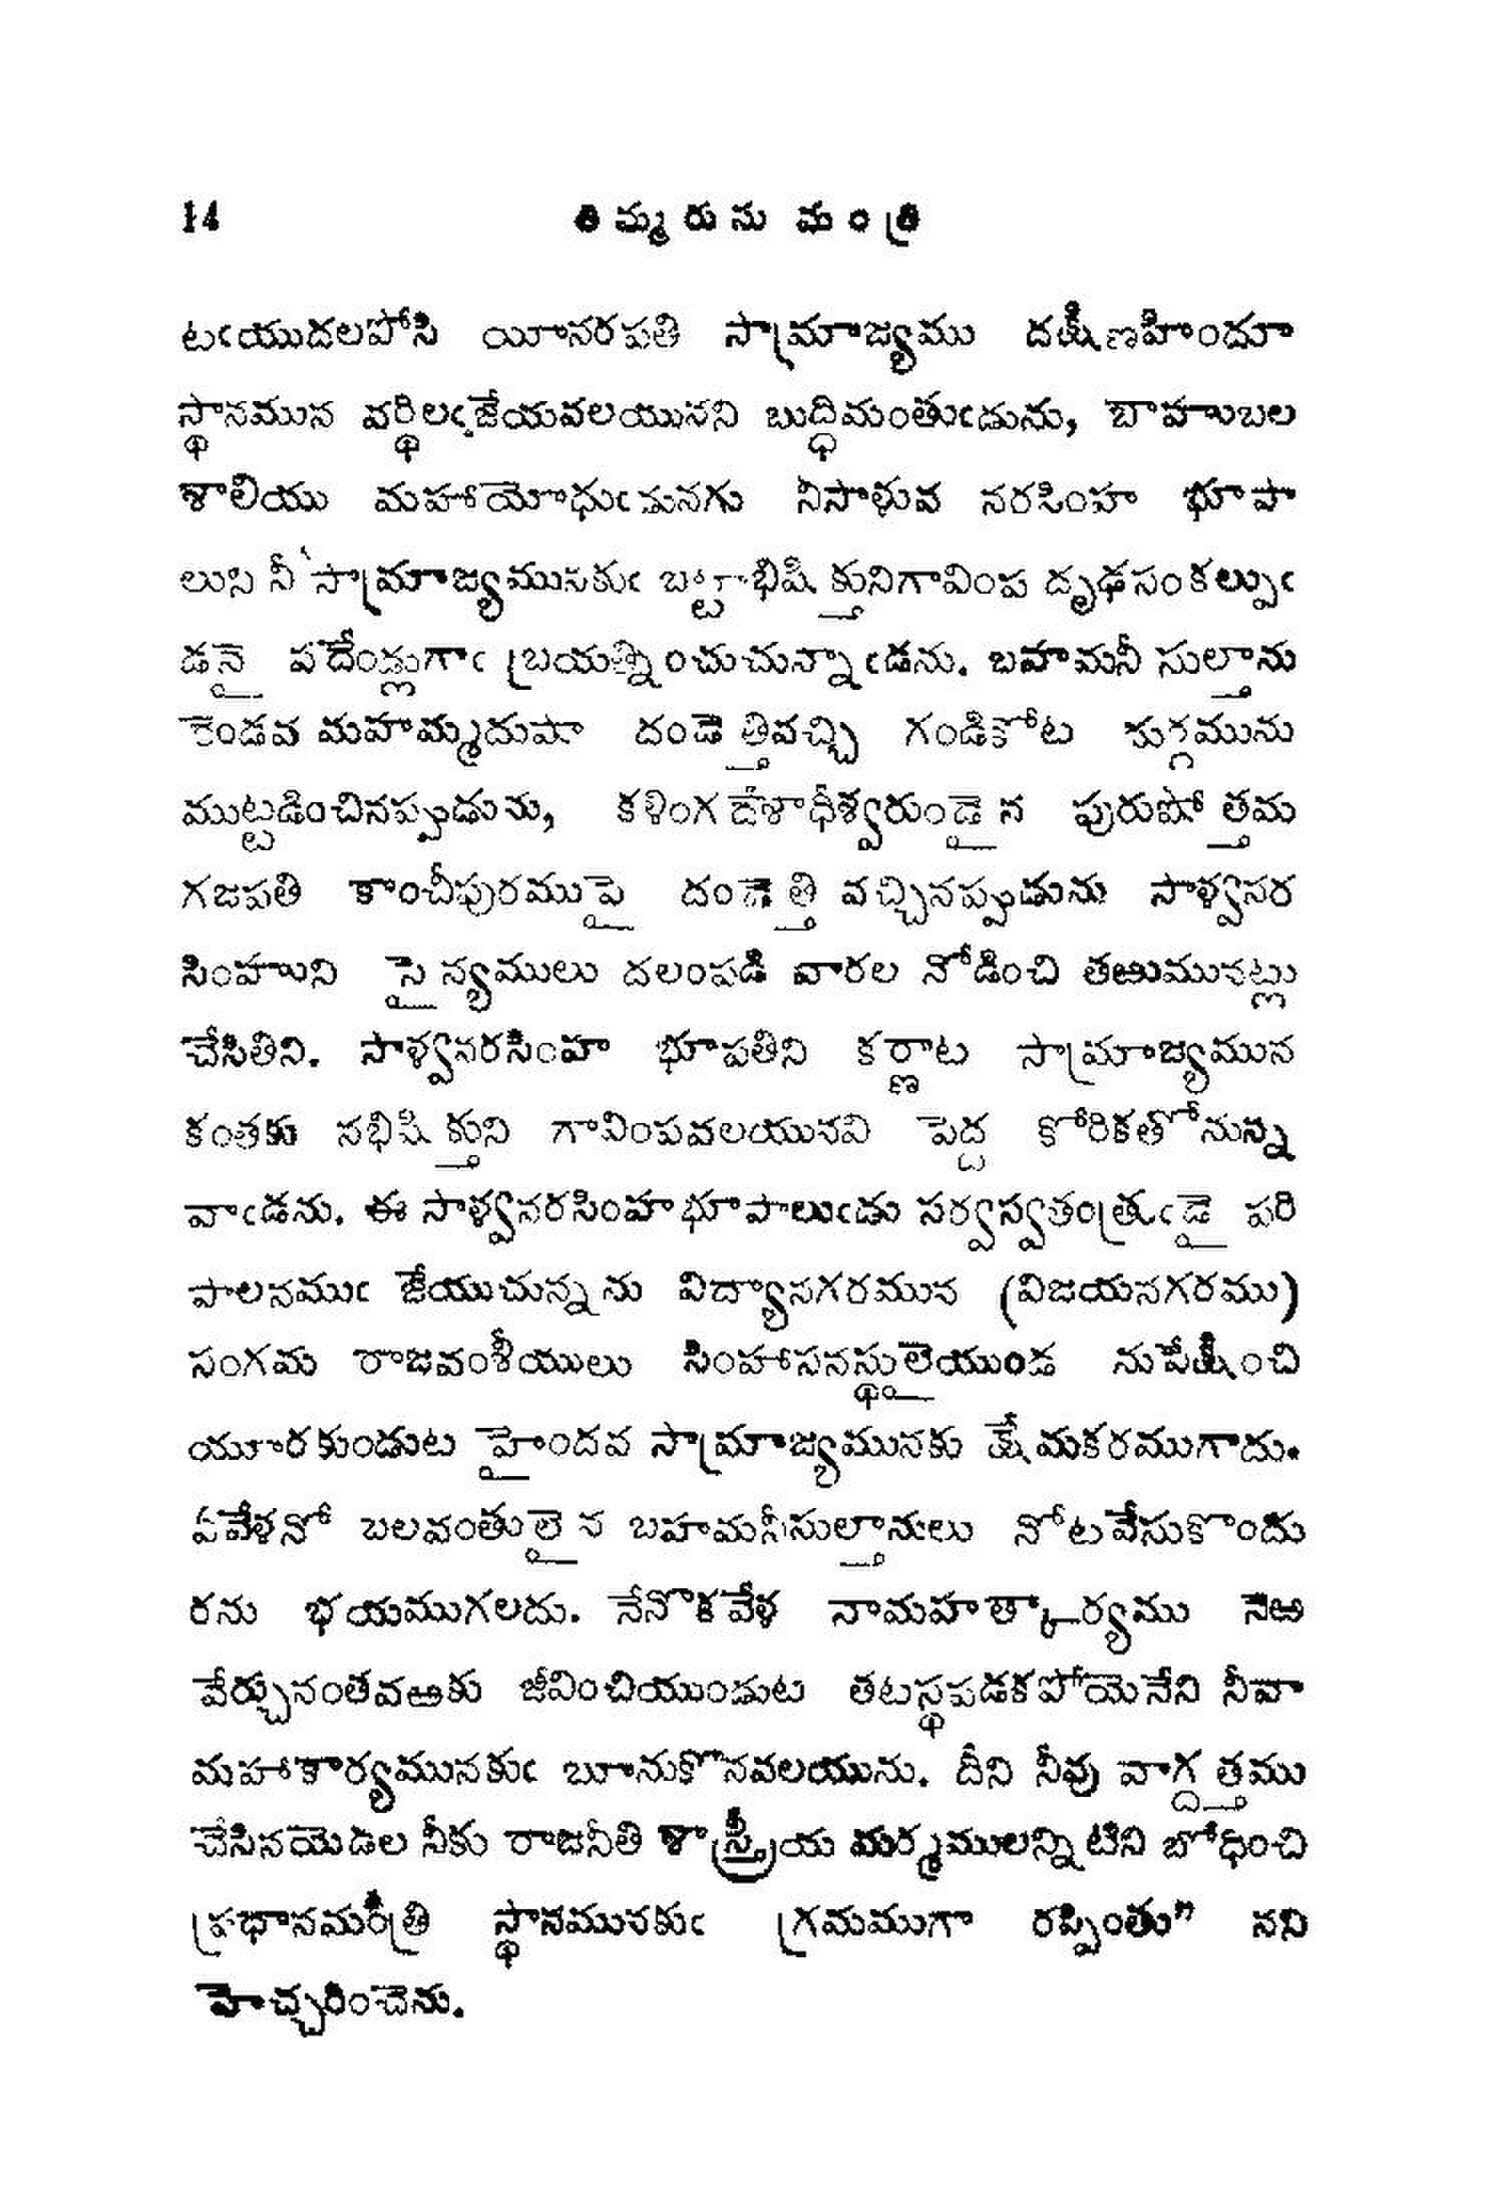టఁయుదలపోసి యీనరపతి సామ్రాజ్యము దక్షిణహిందూస్థానమున వర్థిలఁజేయవలయునని బుద్ధిమంతుఁడును, బాహుబలశాలియు మహాయోధుఁడునగు నీసాళువ నరసింహ భూపాలుని నీ సామ్రాజ్యమునకుఁ బట్టాభిషిక్తునిగావింప దృఢసంకల్పుఁ డనై పదేండ్లుగాఁ బ్రయత్నించు చున్నాఁడను. బహమనీ సుల్తాను రెండవ మహమ్మదుషా దండెత్తివచ్చి గండికోట దుర్గమును ముట్టడించినప్పుడును, కళింగదేశాధీశ్వరుండైన పురుషోత్తమగజపతి కాంచీపురముపై దండెత్తి వచ్చినప్పుడును సాళ్వనరసింహుని సైన్యములు దలంపడి వారల నోడించి తఱుమునట్లు చేసితిని. సాళ్వనరసింహ భూపతిని కర్ణాట సామ్రాజ్యమున కంతకు నభిషిక్తుని గావింపవలయునని పెద్ద కోరికతోనున్న వాఁడను. ఈ సాళ్వనరసింహభూపాలుఁడు సర్వస్వతంత్రుఁడై పరిపాలనముఁ జేయుచున్నను విద్యానగరమున (విజయనగరము) సంగమ రాజవంశీయులు సింహాసనస్థులైయుండ నుపేక్షించి యూరకుండుట హైందవ సామ్రాజ్యమునకు క్షేమకరముగాదు. ఏవేళనో బలవంతులైన బహమనీ సుల్తానులు నోట వేసుకొందురను భయముగలదు. నేనొకవేళ నామహత్కార్యము నేఱవేర్చునంతవఱకు జీవించియుండుట తటస్థపడకపోయెనేని నీవా మహాకార్యమునకుఁ బూనుకొనవలయును. దీని నీవు వాగ్దత్తము చేసినయెడల నీకు రాజనీతి శాస్త్రీయ మర్మములన్నిటిని బోధించి ప్రధానమంత్రి స్థానమునకుఁ గ్రమముగా రప్పింతు" నని హెచ్చరించెను.